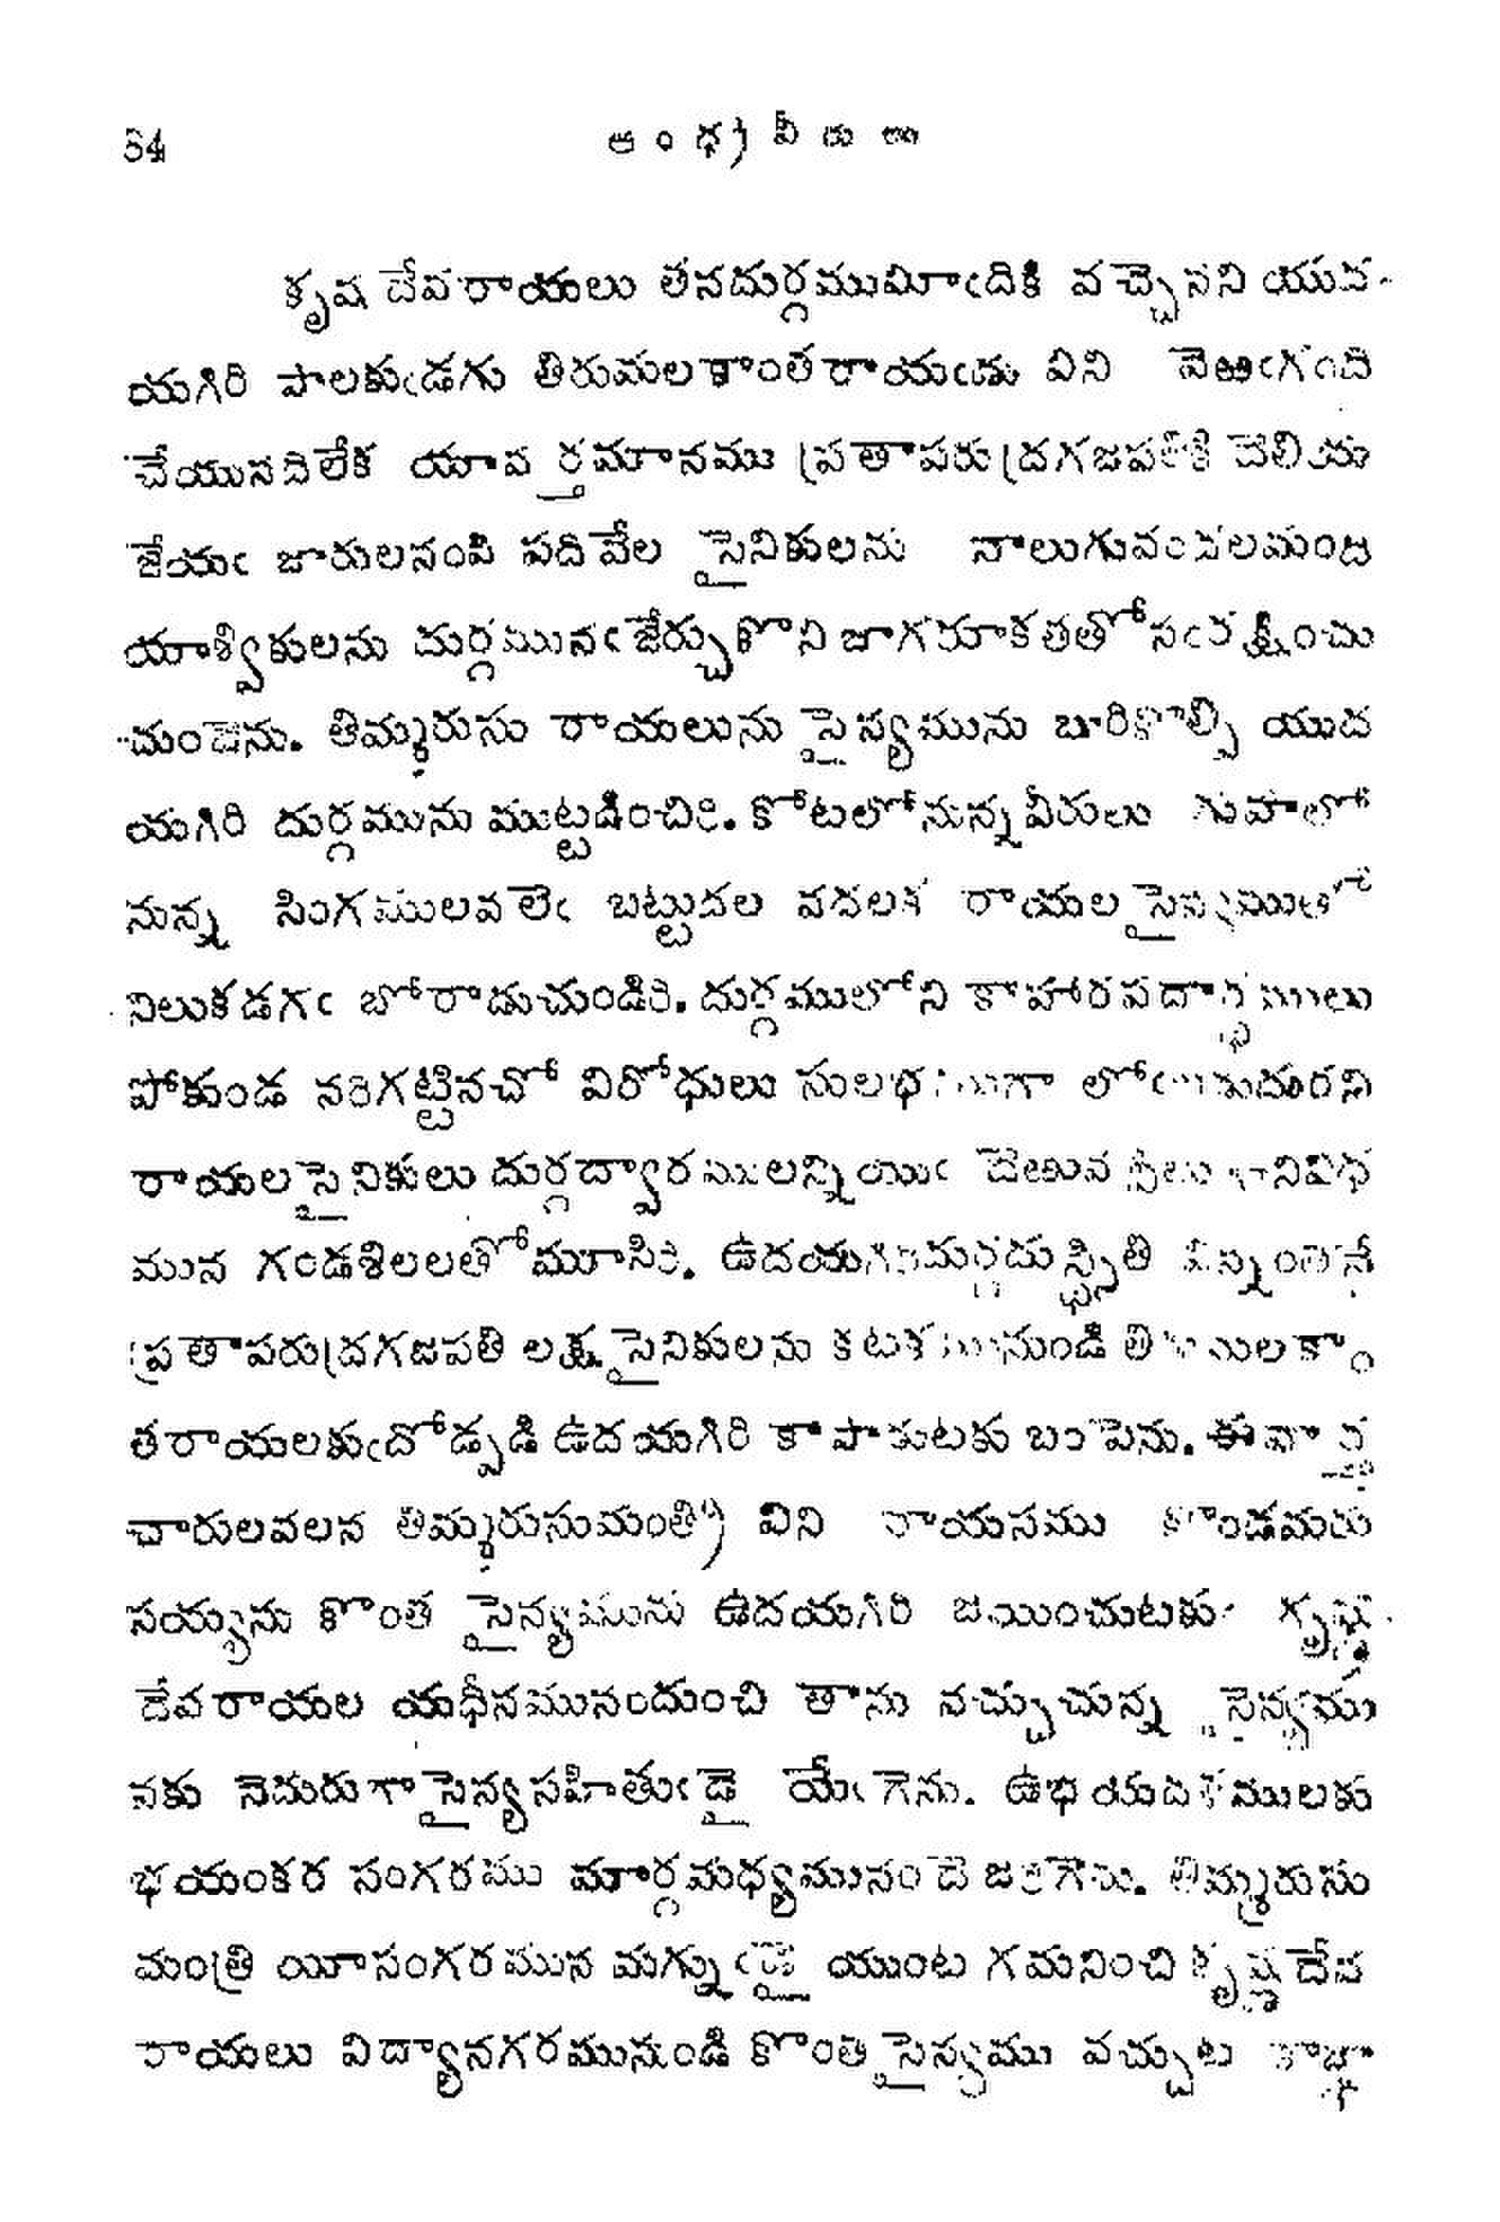కృష్ణదేవరాయలు తనదుర్గముమీదికి వచ్చెనని యుదయగిరి పాలకుడగు తిరుమలకాంతరాయడు విని వెఱగంది చేయునదిలేక యావర్తమానము ప్రతాపరుద్రగజపతికి దెలియ జేయ జారులనంపి పదివేల సైనికులను నాలుగువందలమంది యాశ్వికులను దుర్గమున జేర్చుకొని జాగరూకతతో సంరక్షించుచుండెను. తిమ్మరుసు రాయలును సైన్యమును బురికొల్పి యుదయగిరి దుర్గమును ముట్టడించిరి. కోటలోనున్నవీరులు గుహలోనున్న సింగములవలె బట్టుదల వదలక రాయల సైన్యముతో నిలుకడగ బోరాడుచుండిరి. దుర్గములోని కాహార పదార్థములు పోకుండ నరిగట్టినచో విరోధులు సులభముగా లోబడుదురని రాయలసైనికులు దుర్గద్వారములన్నియు దెఱువవీలుగానివిధమున గండశిలలతోమూసిరి. ఉదయగిరి దుర్గదుస్థ్సితి విన్నంతనే ప్రతాపరుద్రగజపతి లక్షసైనికులను కటకమునుండి తిరుమలకాంత రాయలకు దోడ్పడి ఉదయగిరి కాపాడుటకు బంపెను. ఈవార్త చారులవలన తిమ్మరుసుమంత్రి విని నాయసము కొండమరుసయ్యను కొంతసైన్యమును ఉదయగిరి జయించుటకు గృష్ణదేవరాయల యధీనమునందుంచి తాను వచ్చుచున్న సైన్యమునకు నెదురుగా సైన్యసహితుడై యేగెను. ఉభయదళములకు భయంకర సంగరము మార్గమధ్యమునందె జరిగెను. తిమ్మరుసు మంత్రి యీసంగరమున మగ్నుడై యుంట గమనించి కృష్ణదేవరాయలు విద్యానగరమునుండి కొంతసైన్యము వచ్చుట కాజ్ఞా